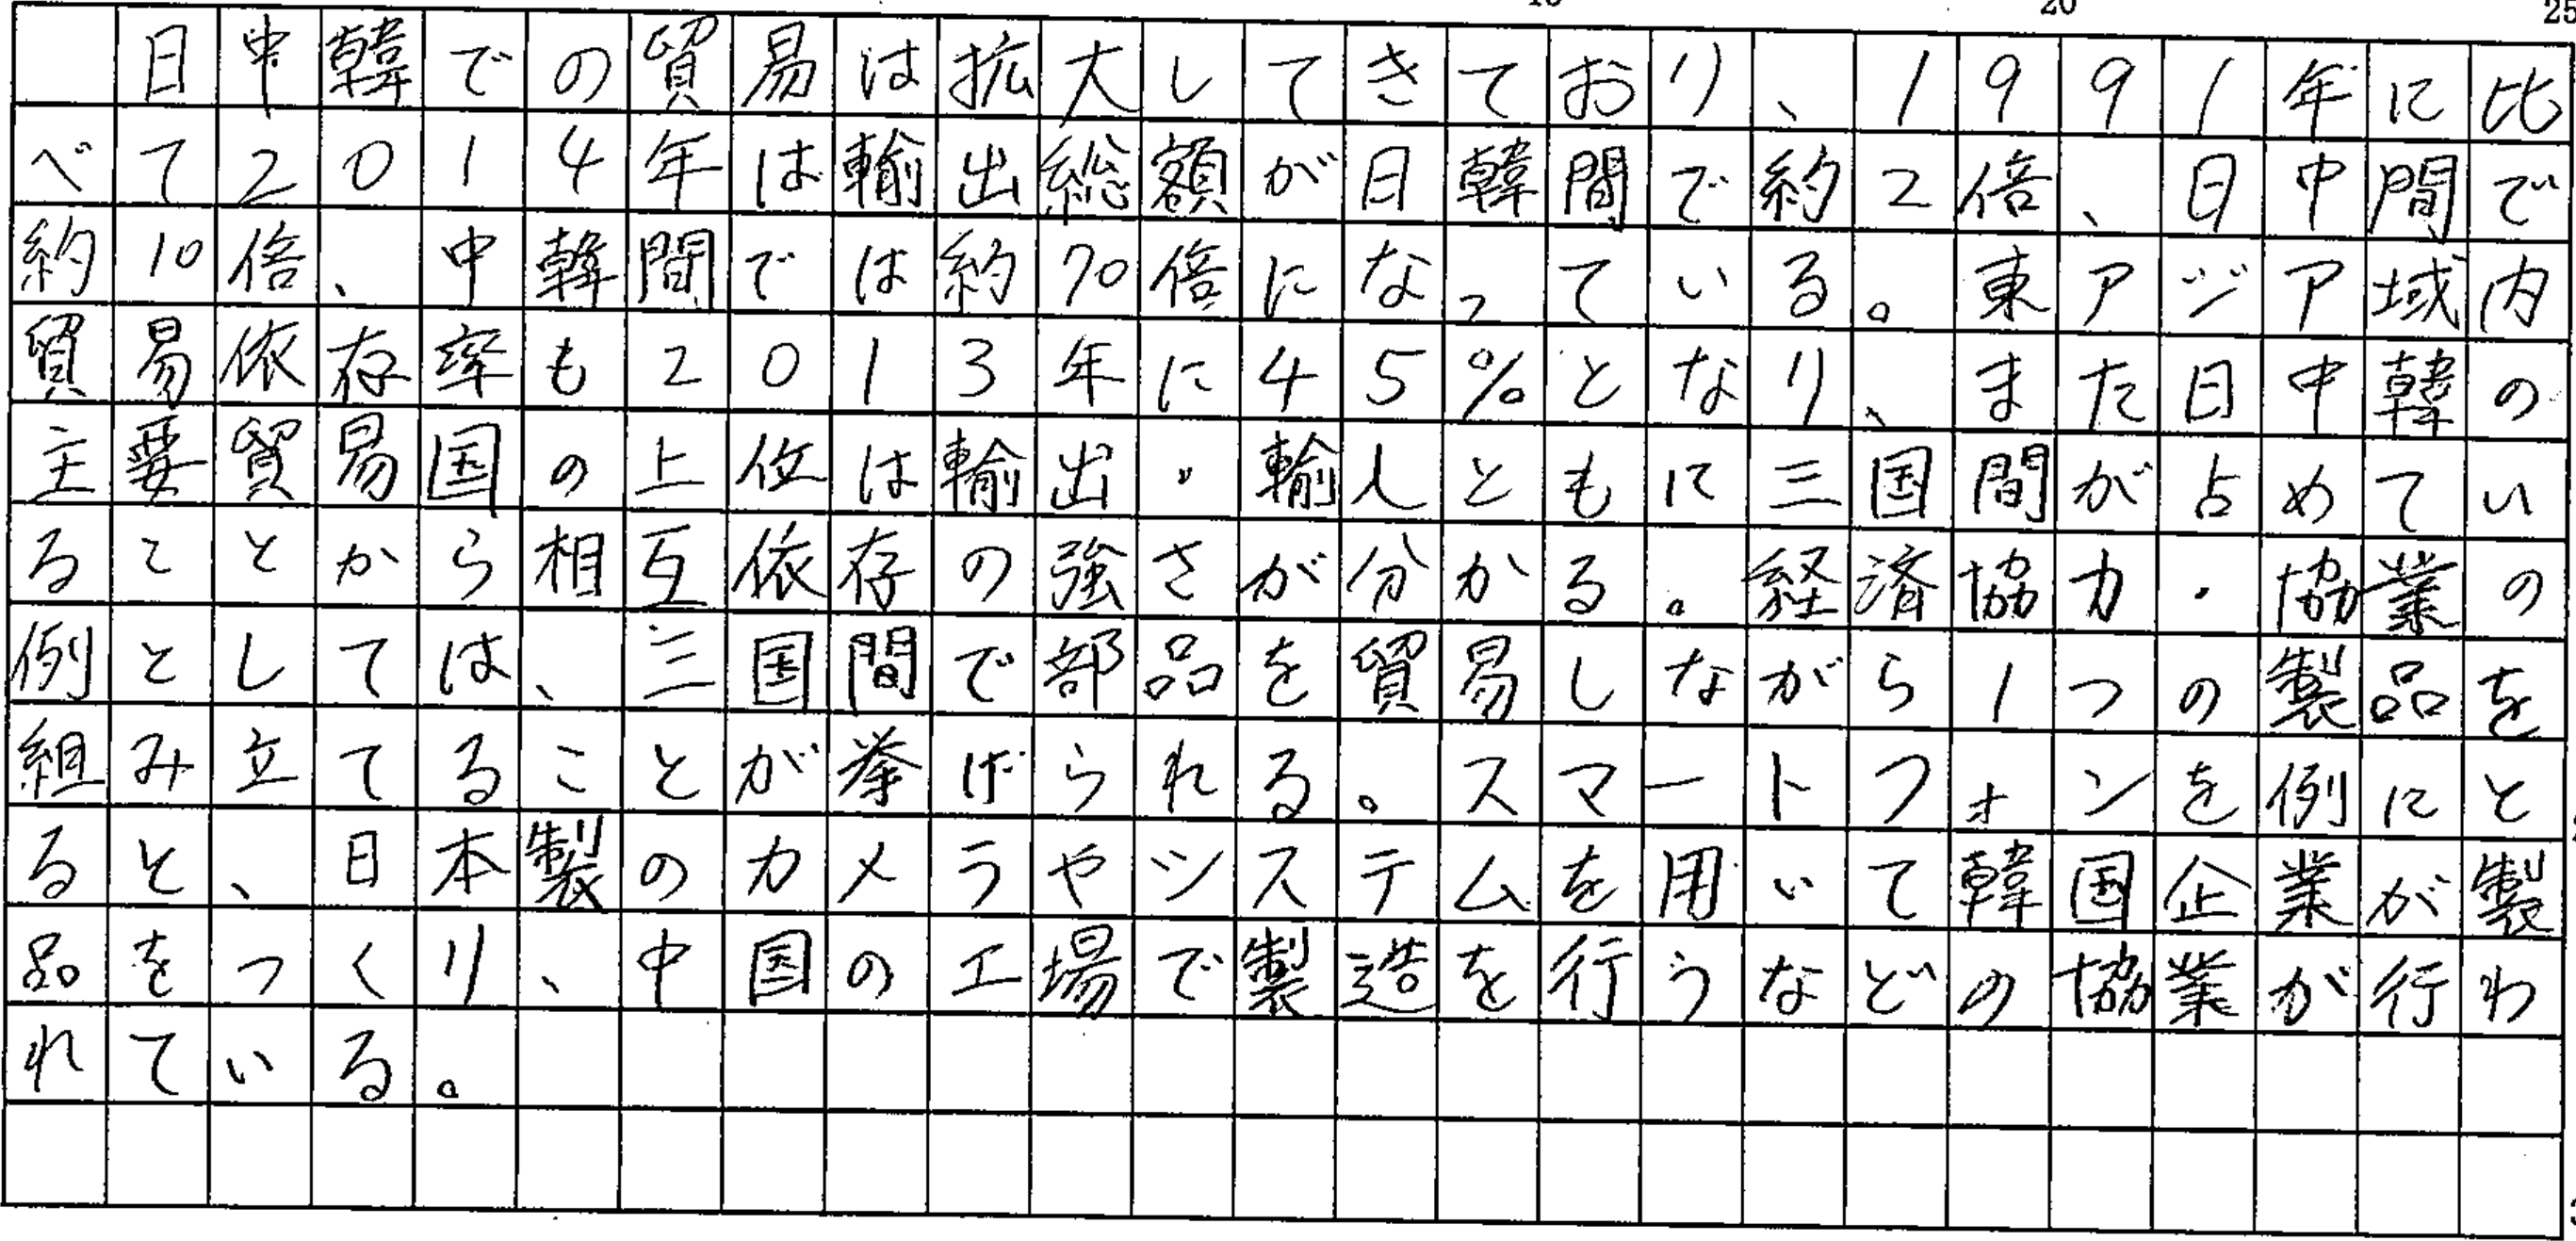　日中韓での貿易は拡大してきており、１９９１年に比べて２０１４年は輸出総額が日韓間で約２倍、日中間で約10倍、中韓間では約70倍になっている。東アジア域内貿易依存率も２０１３年に４５％となり、また日中韓の主要貿易国の上位は輸出・輸入ともに三国間が占めていることから相互依存の強さが分かる。経済協力・協業の例としては、三国間で部品を貿易しながら１つの製品を組み立てることが挙げられる。スマートフォンを例にとると、日本製のカメラやシステムを用いて韓国企業が製品をつくり、中国の工場で製造を行うなどの協業が行われている。
